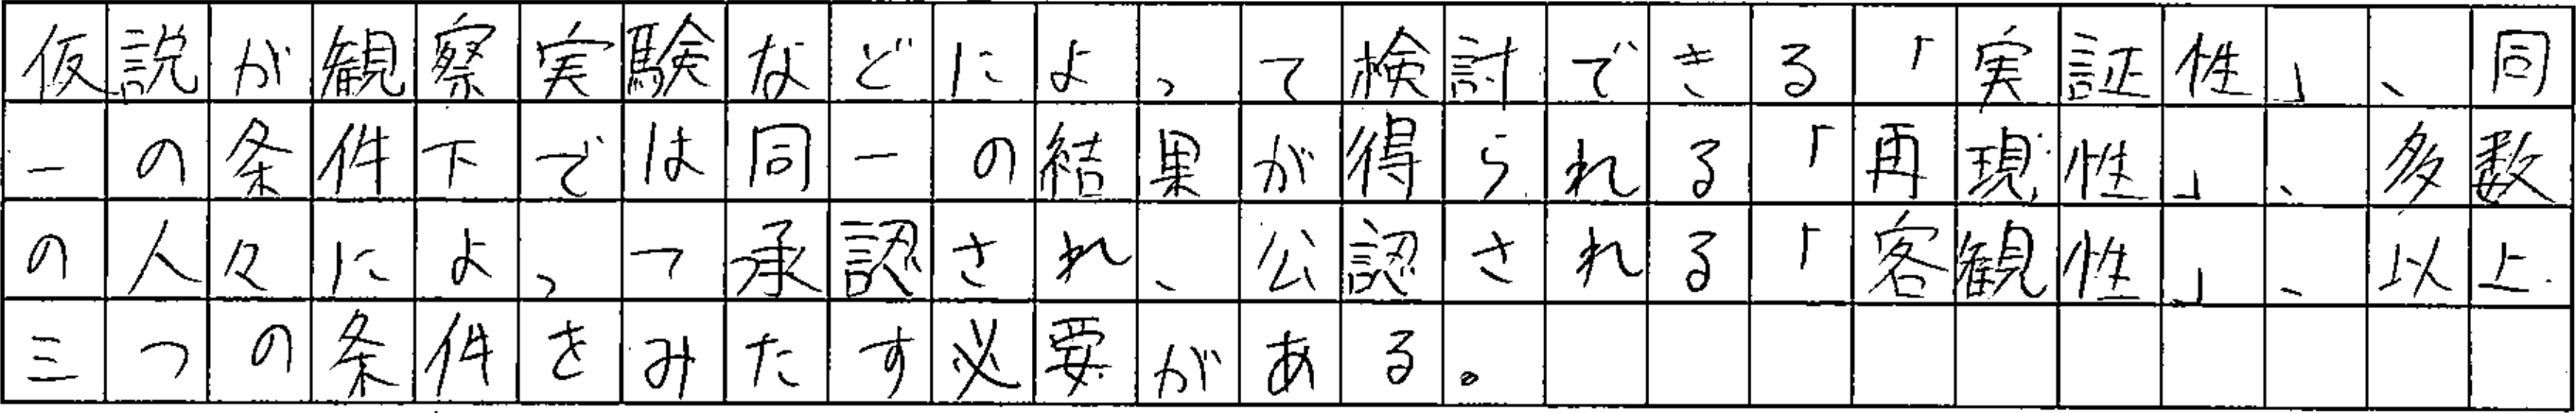仮説が観察実験などによって検討できる「実証性」、同一の条件下では同一の結果が得られる「再現性」、多数の人々によって承認され、公認される「客観性」、以上三つの条件をみたす必要がある。
